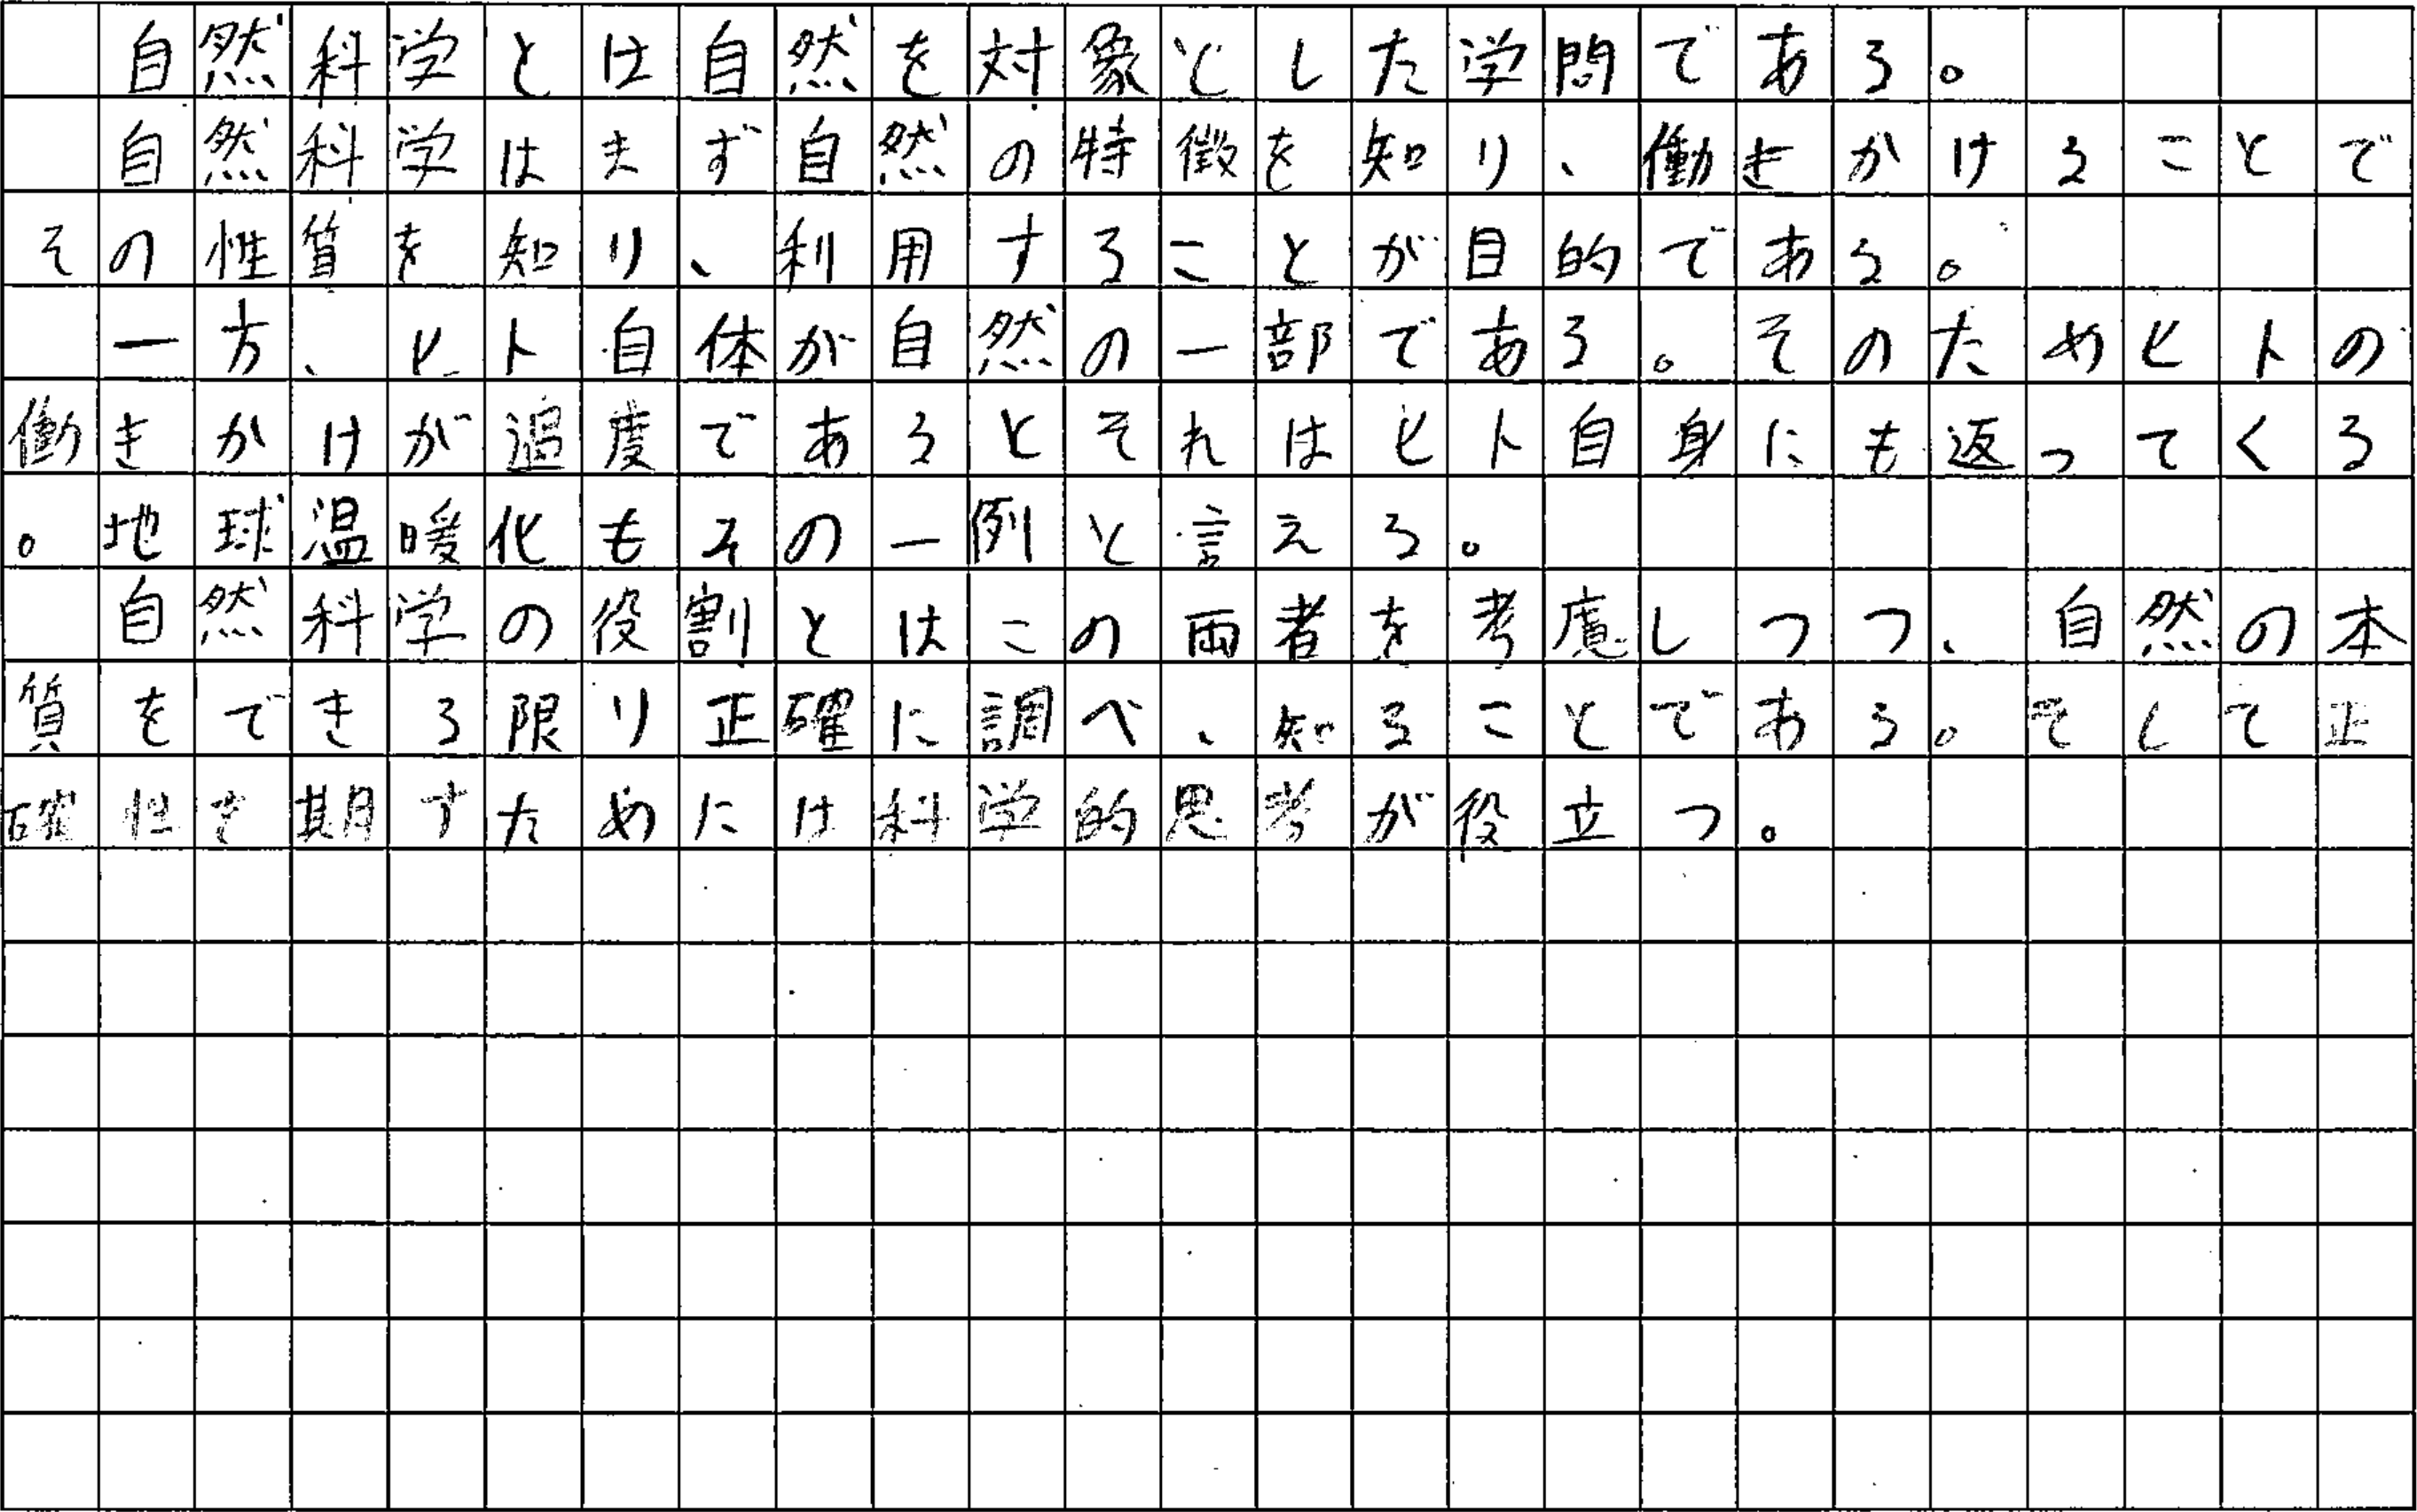　自然科学とは自然を対象とした学問である。
　自然科学はまず自然の特徴を知り、働きかけることでその性質を知り、利用することが目的である。
　一方、ヒト自体が自然の一部である。そのためヒトの働きかけが過度であるとそれはヒト自身にも返ってくる。地球温暖化もその一例と言える。
　自然科学の役割とはこの両者を考▁しつつ、自然の本性をできる限り正確に調べ、知ることである。そして正確性を期すためには科学的思考が役立つ。
